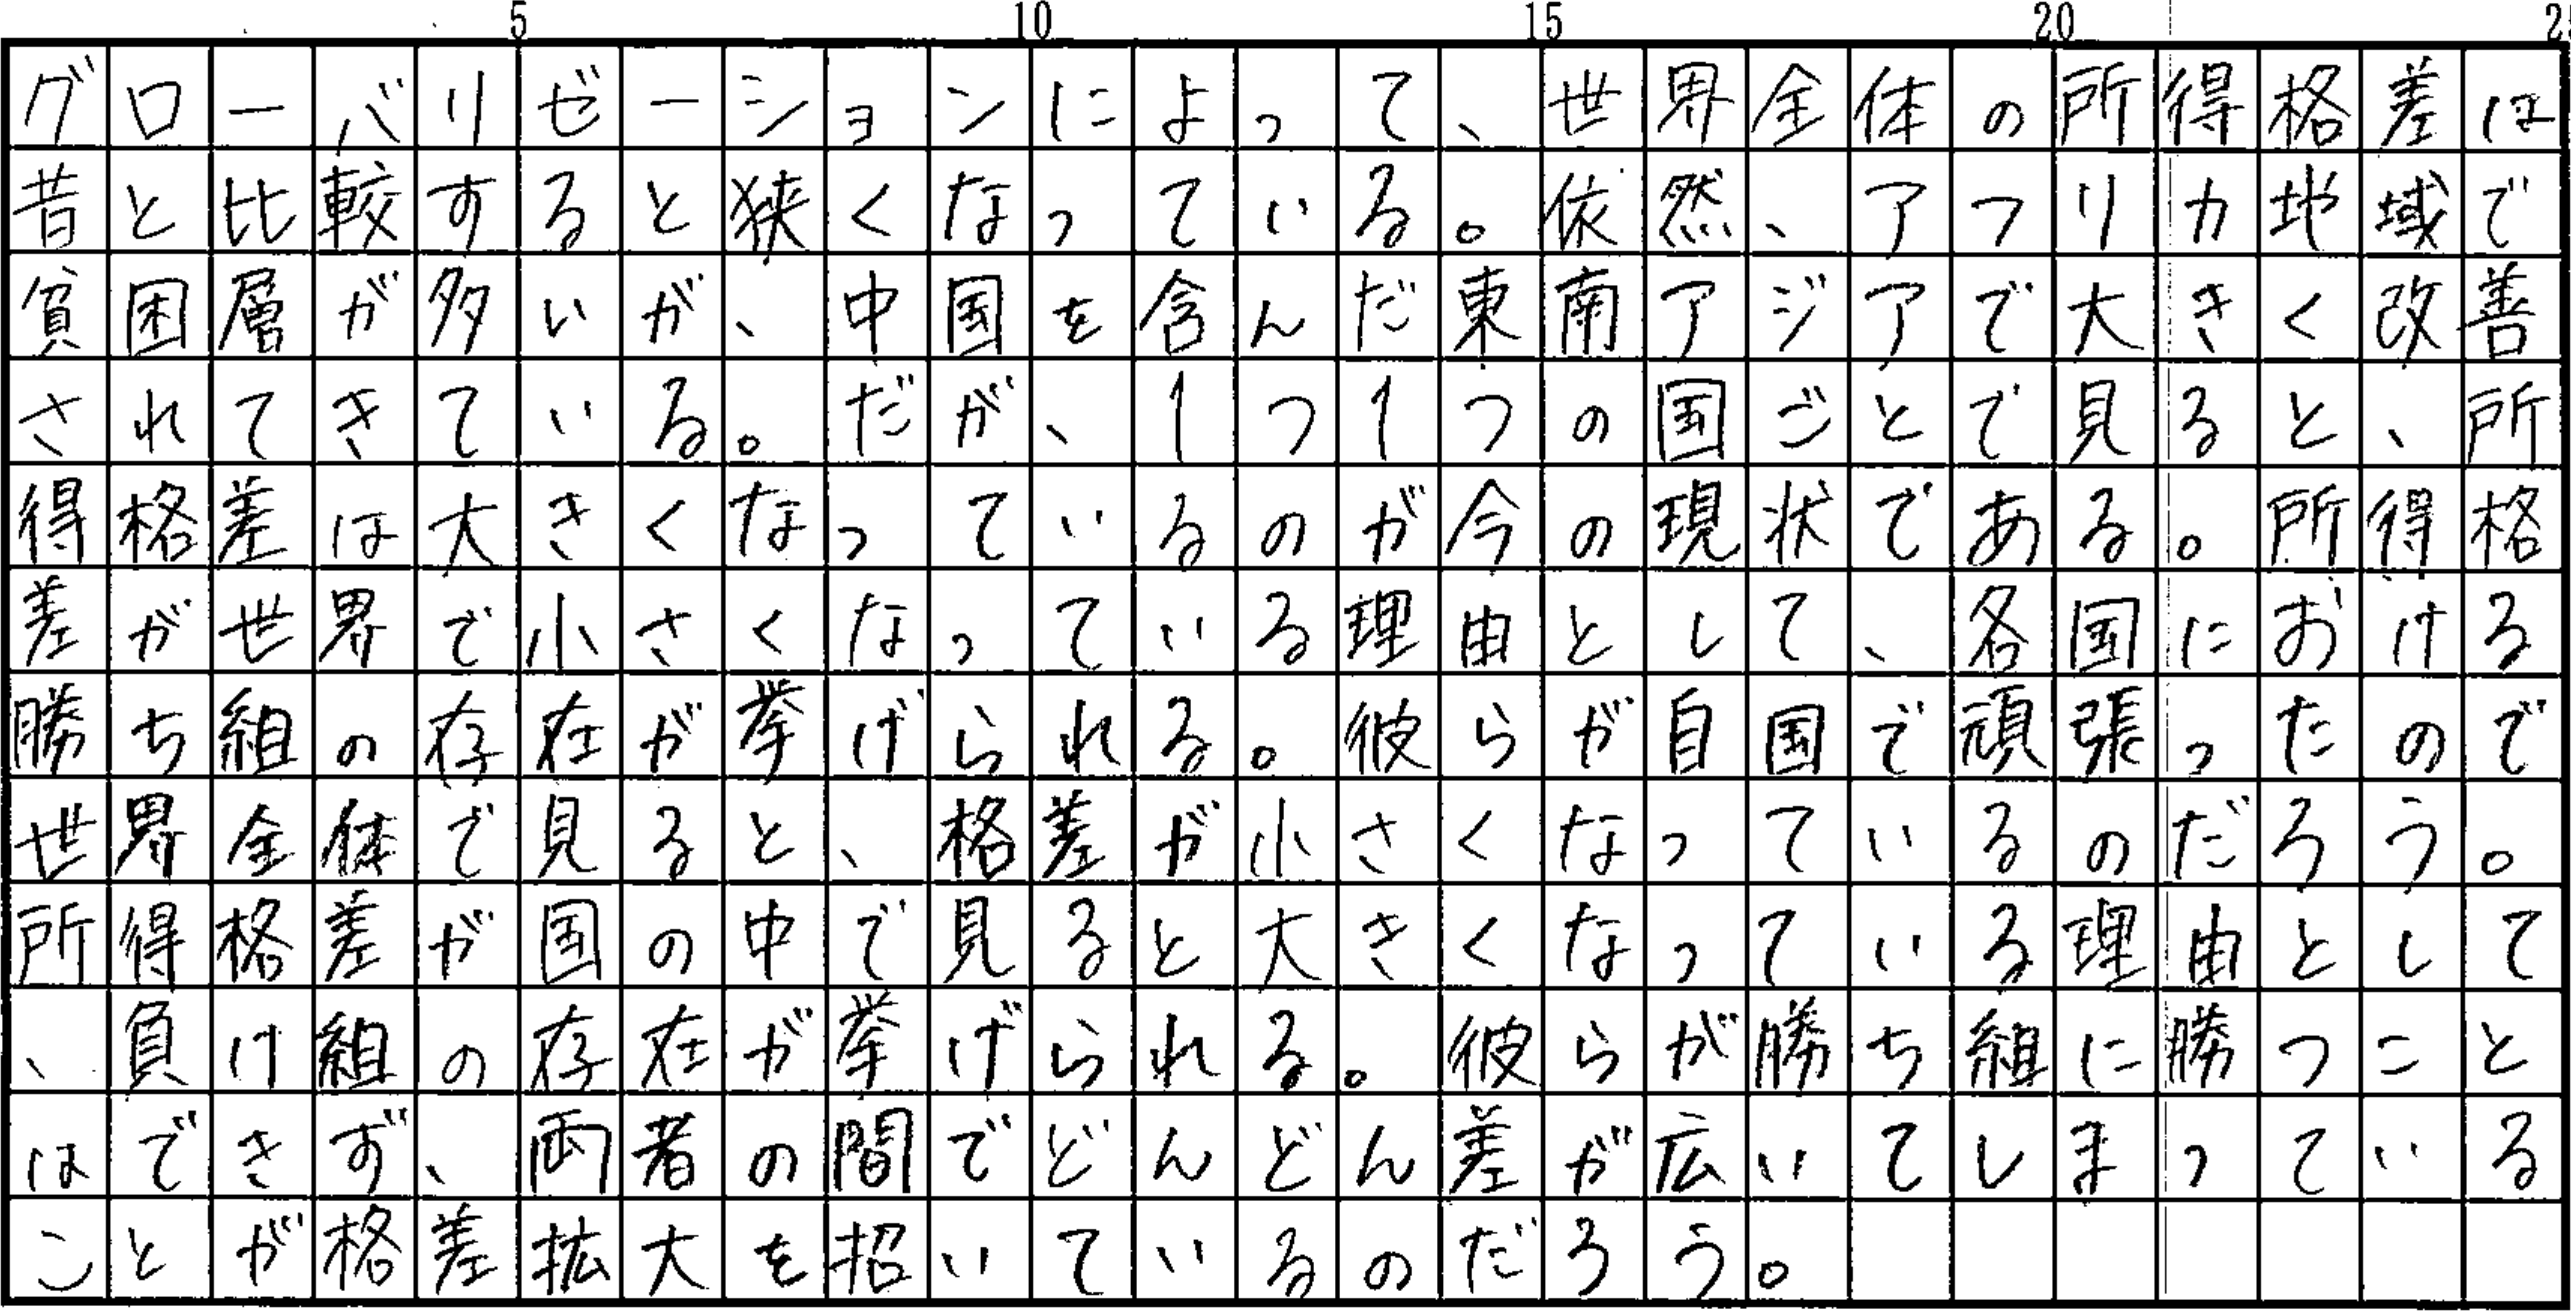グ ローバリゼーションによって、世界全体の所得格差は昔と比較すると狭くなっている。依然、アフリカ地域で貧困層が多いが、中国を含んだ東南アジアで大きく改善されてきている。だが、１つ１つの国ごとで見ると、所得格差は大きくなっているのが今の現状である。所得格差が世界で小さくなっている理由として、各国における勝ち組の存在が挙げられる。彼らが自国で頑張ったので世界全体で見ると、格差が小さくなっているのだろう。所得格差が国の中で見ると大きくなっている理由として、負け組の存在が挙げられる。彼らが勝ち組に勝つことはできず、両者の間でどんどん差が広いてしまっていることが格差拡大を招いているのだろう。
